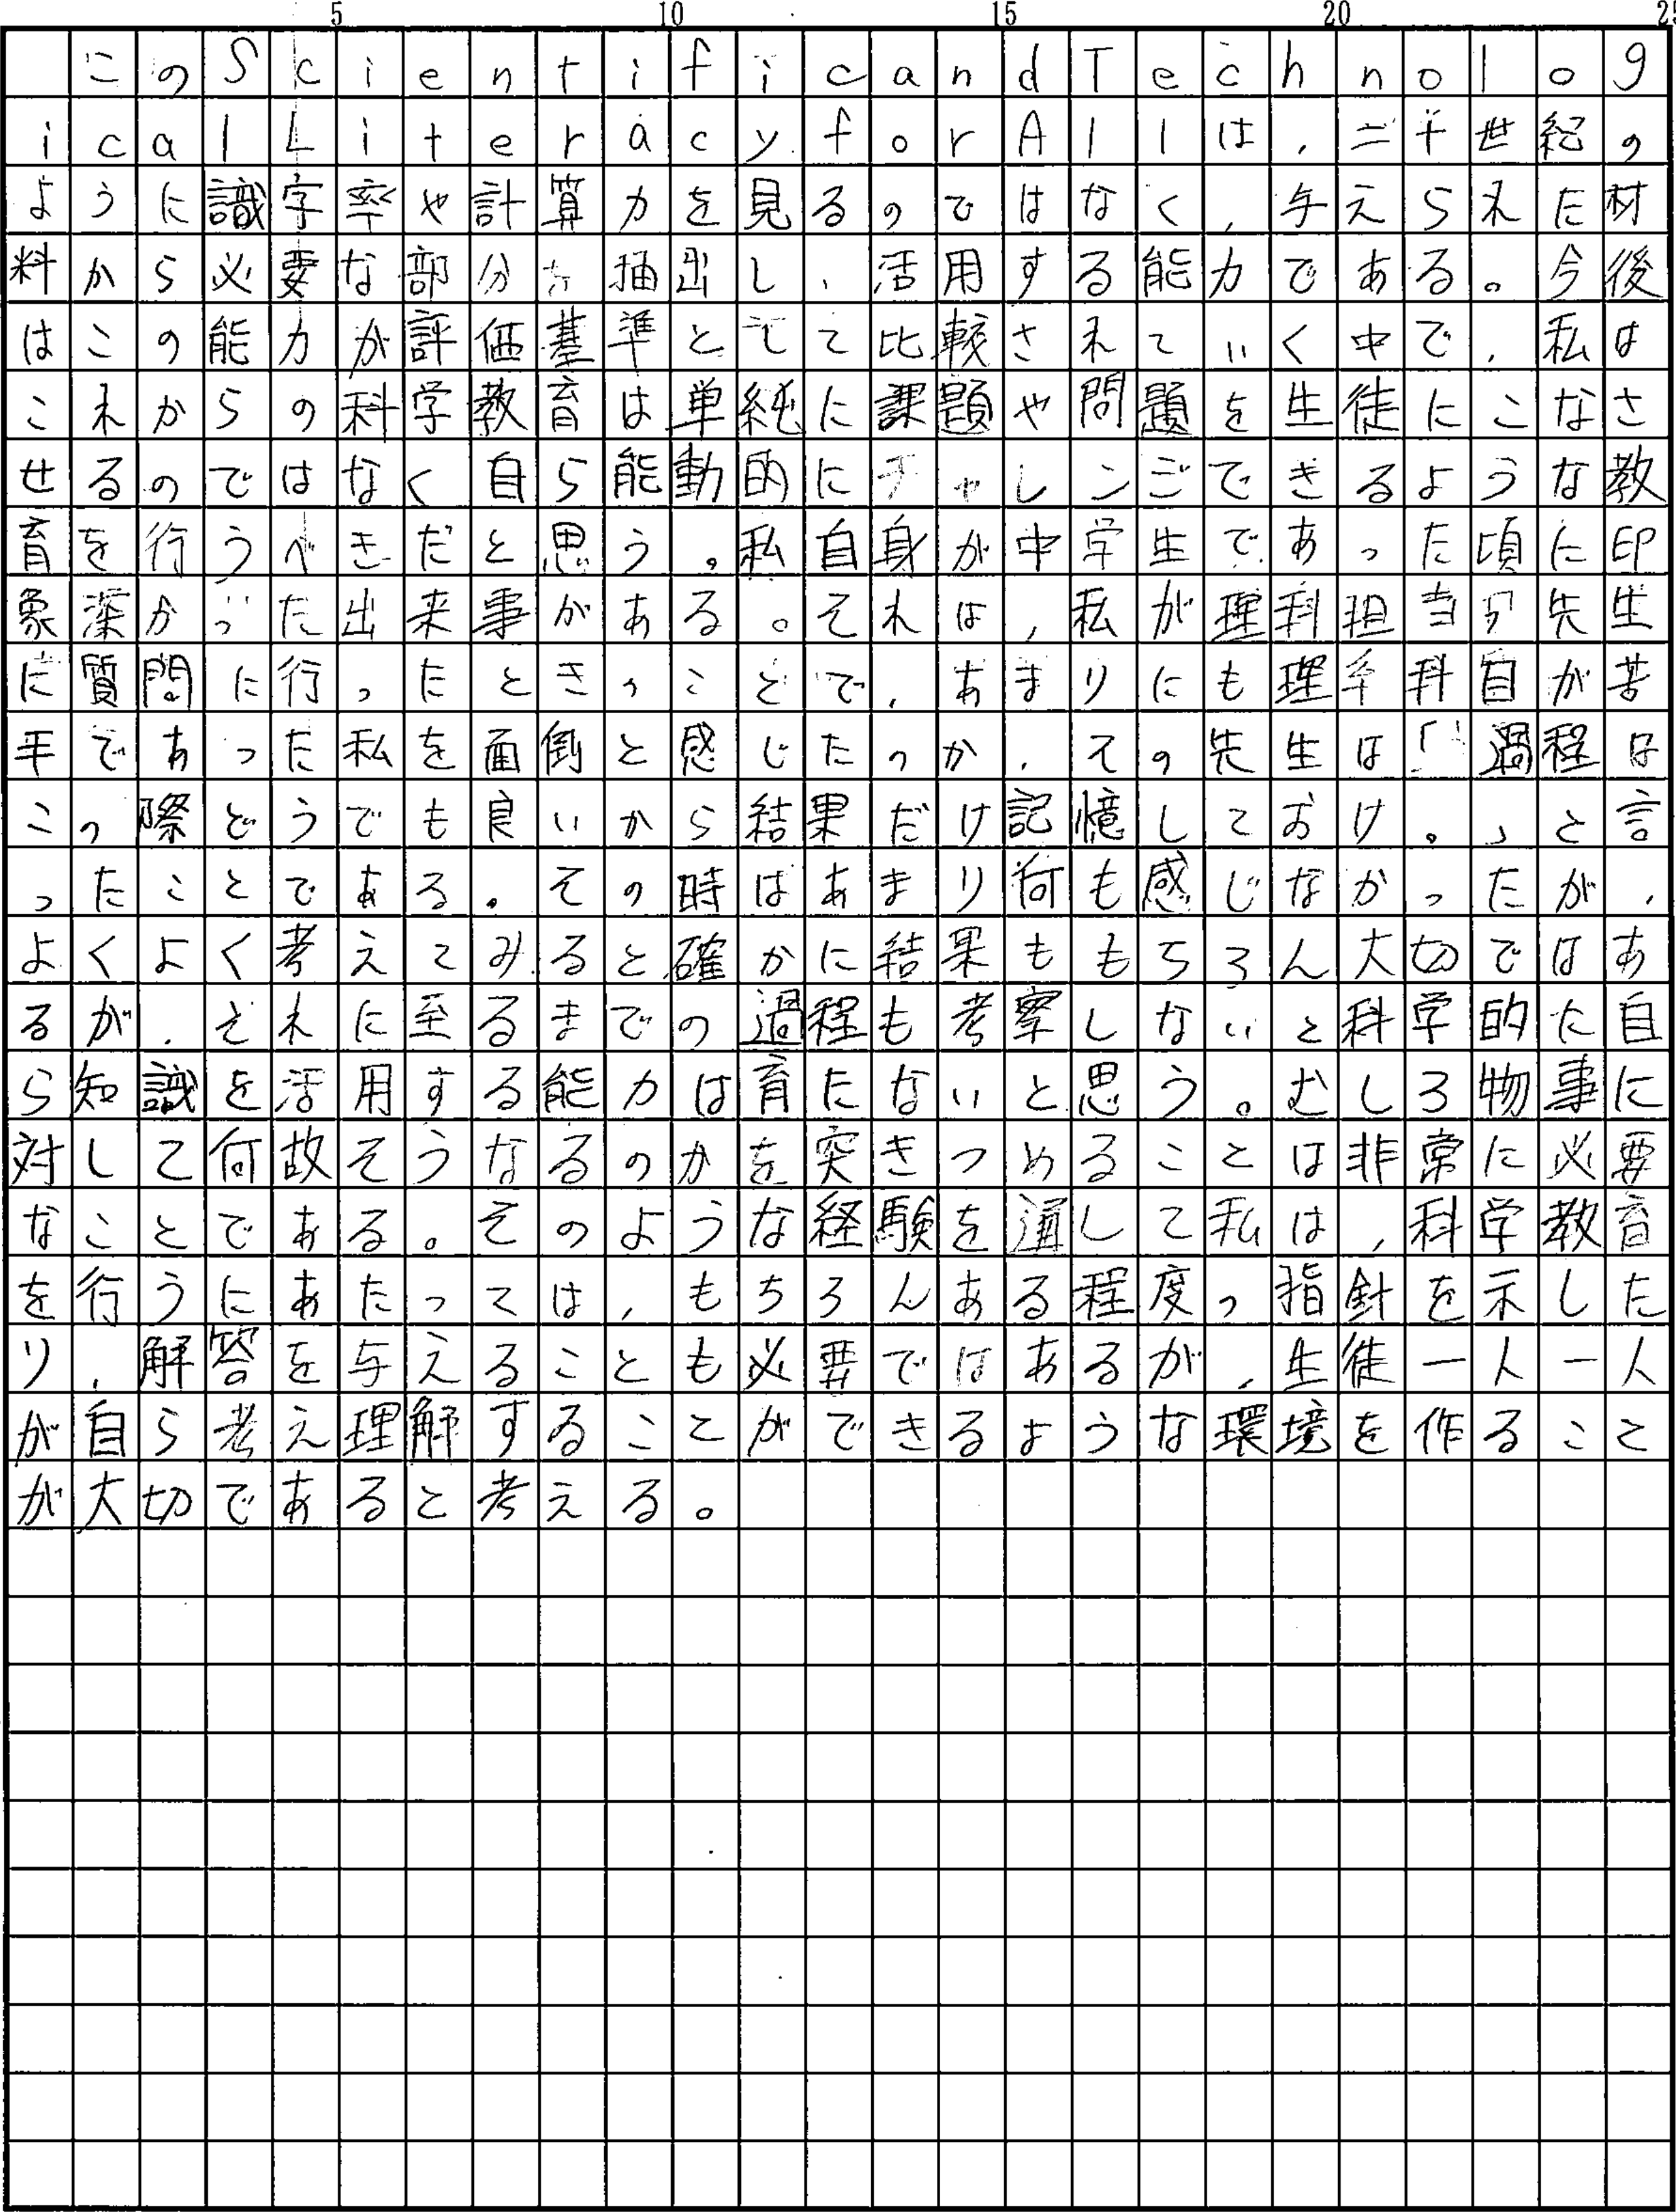　このＳｃｉｅｎｔｉｆｉｃａｎｄＴｅｃｈｎｏｌｏｇｉｃａｌＬｉｔｅｒａｃｙｆｏｒＡｌｌは、二十世紀のように識字率や計算力を見るのではなく、与えられた材料から必要な部分を抽出し、活用する能力である。今後はこの能力が評価基準として比較されていく中で、私はこれからの科学教育は単純に課題や問題を生徒にこなさせるのではなく自ら能動的にチャレンジできるような教育を行うべきだと思う。私自身が中学生であった頃に印象深かった出来事がある。それは、私が理科担当の先生に質問に行ったときのことで、あまりにも理系科目が苦手であった私を面倒と感じたのか、その先生は「過程はこの際どうでも良いから結果だけ記憶しておけ。」と言ったことである。その時はあまり何も感じなかったが、よくよく考えてみると確かに結果ももちろん大切ではあるが、それに至るまでの過程も考察しないと科学的に自ら知識を活用する能力は育たないと思う。むしろ物事に対して何故そうなるのかを突きつめることは非常に必要なことである。そのような経験を通して私は、科学教育を行うにあたっては、もちろんある程度の指針を示したり、解答を与えることも必要ではあるが、生徒一人一人が自ら考え理解することができるような環境を作ることが大切であると考える。
